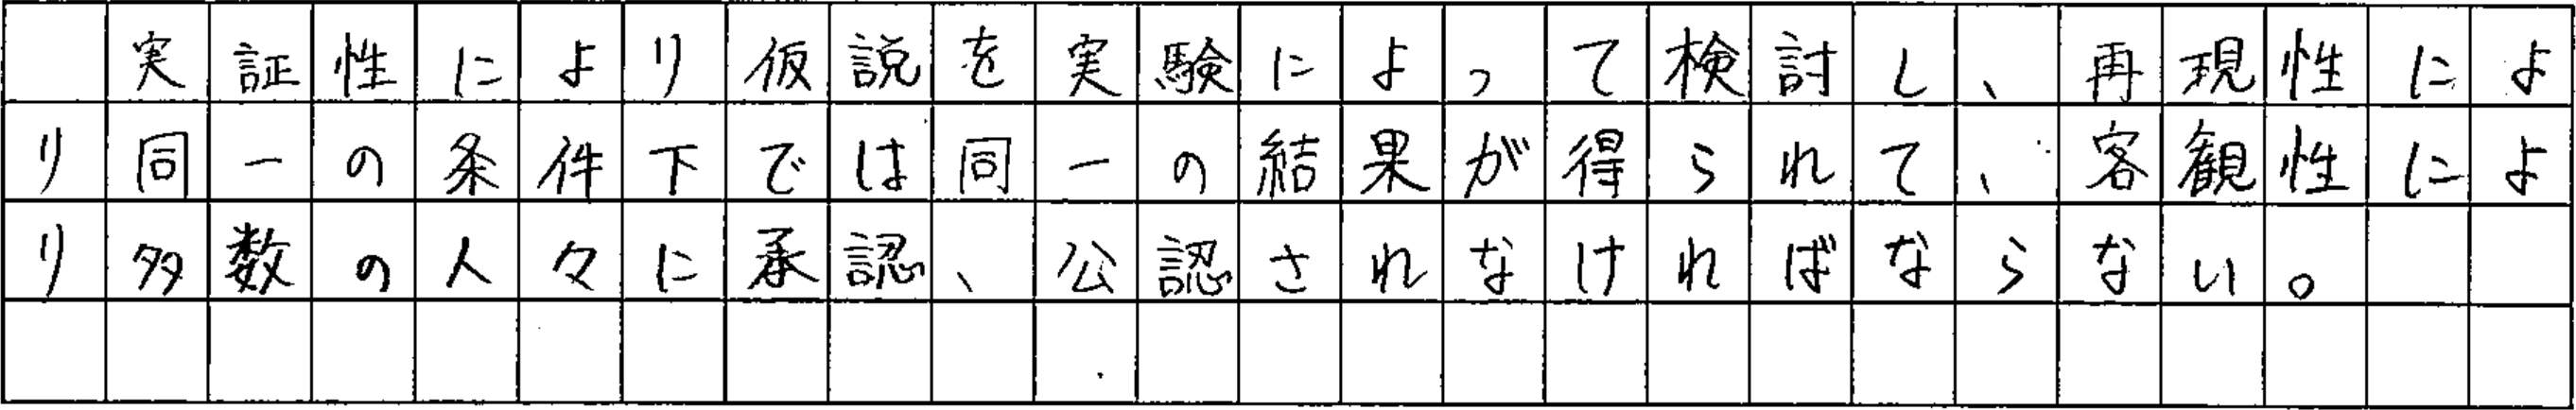　実証性により仮説を実験によって検討し、再現性により同一の条件下では同一の結果が得られて、客観性により多数の人々に承認、公認されなければならない。
